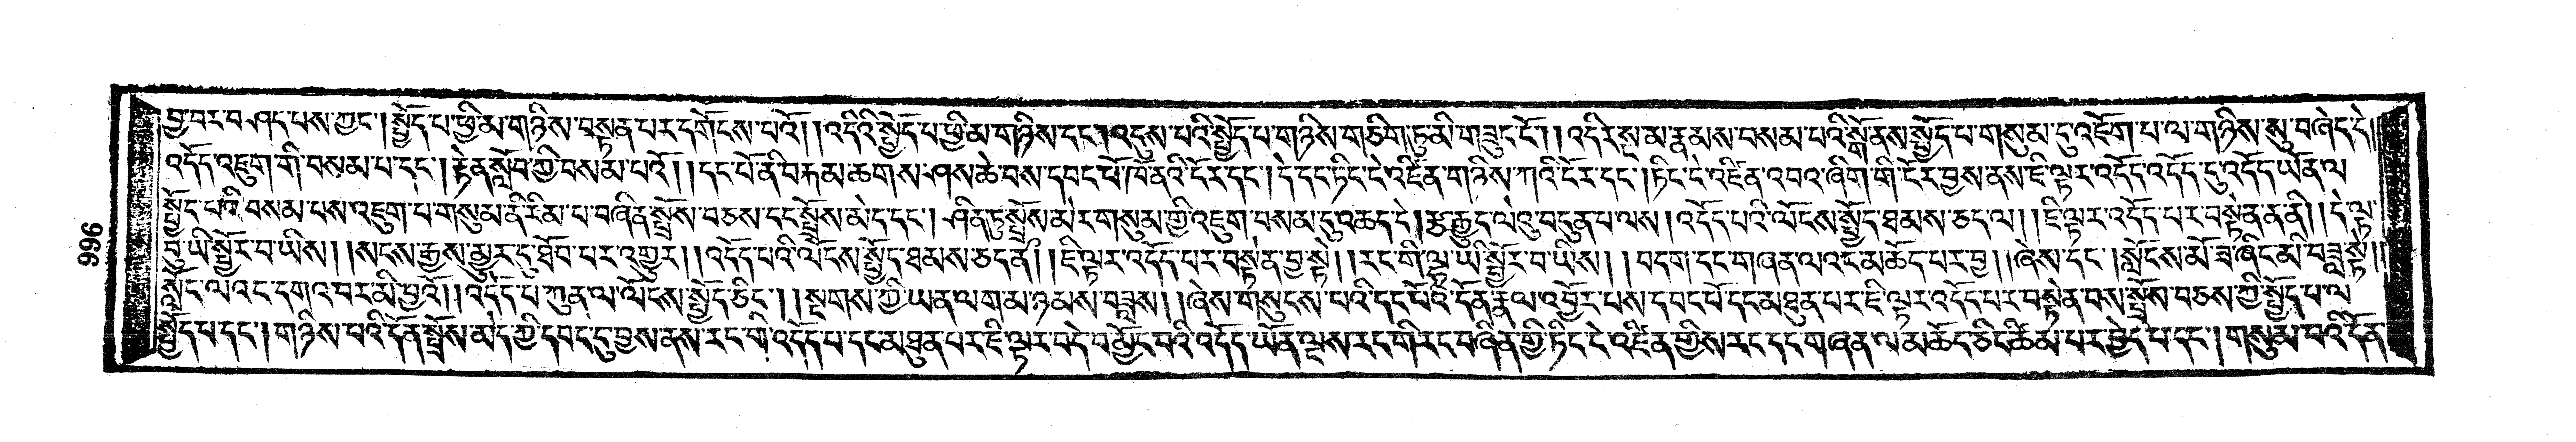བྱ་བར་བཤད་པས་ཀྱང་། སྤྱོད་པ་ཕྱི་མ་གཉིས་བསྟན་པར་དགོངས་པའོ། །འདིའི་སྤྱོད་པ་ཕྱི་མ་གཉིས་དང་། འདུས་པའི་སྤྱོད་པ་གཉིས་གཅིག་ཏུ་མི་གཟུང་ངོ། །འདིར་སྔ་མ་རྣམས་བསམ་པའི་སྒོ་ནས་སྤྱོད་པ་གསུམ་དུ་འཇོག་པ་ལ་གཉིས་སུ་བཞེད་དེ།
འདོད་འཇུག་གི་བསམ་པ་དང་། རྟེན་སློབ་ཀྱི་བསམ་པའོ། །དང་པོ་ནི་བརྐམ་ཆགས་ཤས་ཆེ་བས་དབང་པོ་ཁོ་ནའི་ངོར་དང་། དེ་དང་ཏིང་ངེ་འཛིན་གཉིས་ཀའི་ངོར་དང་། ཏིང་ངེ་འཛིན་འབའ་ཞིག་གི་ངོར་བྱས་ནས་ཇི་ལྟར་འདོད་འདོད་དུ་འདོད་ཡིན་ལ་
སྤྱོད་པའི་བསམ་པས་འཇུག་པ་གསུམ་ནི་རིམ་པ་བཞིན་སྤྲོས་བཅས་དང་སྤྲོས་མེད་དང་། ཤིན་ཏུ་སྤྲོས་མེར་གསུམ་གྱི་འཇུག་བསམ་དུ་འཆད་དེ། རྩ་རྒྱུད་ལེའུ་བདུན་པ་ལས། འདོད་པའི་ལོངས་སྤྱོད་ཐམས་ཅད་ལ། །ཇི་ལྟར་འདོད་པར་བསྟེན་ན་ནི། །དེ་ལྟ་
བུ་ཡི་སྦྱོར་བ་ཡིས། །སངས་རྒྱས་མྱུར་དུ་ཐོབ་པར་འགྱུར། །འདོད་པའི་ལོངས་སྤྱོད་ཐམས་ཅད་ནི། །ཇི་ལྟར་འདོད་པར་བསྟེན་བྱ་སྟེ། །རང་གི་ལྷ་ཡི་སྦྱོར་བ་ཡིས། །བདག་དང་གཞན་ལའང་མཆོད་པར་བྱ། །ཞེས་དང་། སློངས་མོ་ཟ་ཞིང་མི་བཟླ་སྟེ། །
སློང་ལའང་དགའ་བར་མི་བྱའོ། །འདོད་པ་ཀུན་ལ་ལོངས་སྤྱོད་ཅིང་། །སྔགས་ཀྱི་ཡན་ལག་མ་ཉམས་བཟླས། །ཞེས་གསུངས་པའི་དང་པོའི་དོན་རྣལ་འབྱོར་པས་དབང་པོ་དང་མཐུན་པར་ཇི་ལྟར་འདོད་པར་བསྟེན་བས་སྤྲོས་བཅས་ཀྱི་སྤྱོད་པ་ལ་
སྤྱོད་པ་དང་། གཉིས་པའི་དོན་སྤྲོས་མེད་ཀྱི་དབང་དུ་བྱས་ནས་རང་གི་འདོད་པ་དང་མཐུན་པར་ཇི་ལྟར་བདེ་བ་མྱོང་བའི་འདོད་ཡོན་ལྔས་རང་གི་རང་བཞིན་གྱི་ཏིང་ངེ་འཛིན་གྱིས་རང་དང་གཞན་ལ་མཆོད་ཅིང་ཚིམ་པར་བྱེད་པ་དང་། གསུམ་པའི་དོན་